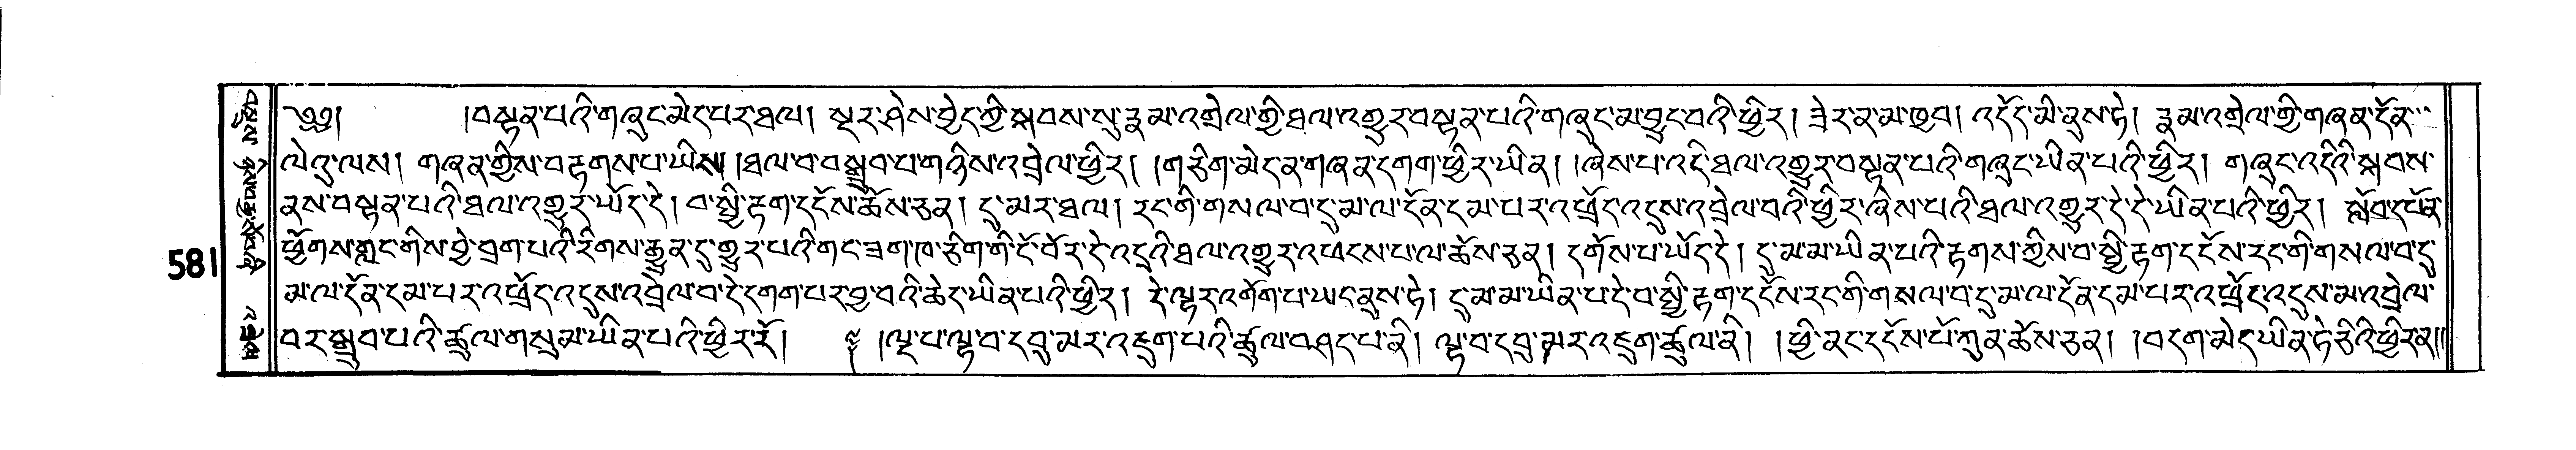༄༅། །བསྟན་པའི་གཞུང་མེད་པར་ཐལ། སྔར་ཤེས་བྱེད་ཀྱི་སྐབས་སུ་རྣམ་འགྲེལ་གྱི་ཐལ་འགྱུར་བསྟན་པའི་གཞུང་མ་བྱུང་བའི་ཕྱིར། ཟེར་ན་མ་ཁྱབ། འདོད་མི་ནུས་ཏེ། རྣམ་འགྲེལ་གྱི་གཞན་དོན་
ལེའུ་ལས། གཞན་གྱིས་བརྟགས་པ་ཡིས། །ཐལ་བ་བསྒྲུབ་པ་གཉིས་འབྲེལ་ཕྱིར། །གཅིག་མེད་ན་གཞན་དགག་ཕྱིར་ཡིན། །ཞེས་པ་འདི་ཐལ་འགྱུར་བསྟན་པའི་གཞུང་ཡིན་པའི་ཕྱིར། སློབ་དཔོན་
ནས་བསྟན་པའི་ཐལ་འགྱུར་ཡོད་དེ། བ་སྤྱི་རྟག་དངོས་ཆོས་ཅན། དུ་མར་ཐལ། རང་གི་གསལ་བ་དུ་མ་ལ་དོན་དམ་པར་འཕྲོད་འདུས་འབྲེལ་བའི་ཕྱིར་ཞེས་པའི་ཐལ་འགྱུར་དེ་དེ་ཡིན་པའི་ཕྱིར། སློབ་དཔོན་
ཕྱོགས་གླང་གིས་བྱེ་བྲག་པའི་རིགས་རྒྱུན་དུ་གྱུར་པའི་གང་ཟག་ཁ་ཅིག་གི་ངོ་བོར་དེ་འདྲའི་ཐལ་འགྱུར་འཕངས་པ་ལ་ཆོས་ཅན། དགོས་པ་ཡོད་དེ། དུ་མ་མ་ཡིན་པའི་རྟགས་ཀྱིས་བ་སྤྱི་རྟག་དངོས་རང་གི་གསལ་བ་དུ་
མ་ལ་དོན་དམ་པར་འཕྲོད་འདུས་འབྲེལ་བ་དེ་དགག་པར་བྱ་བའི་ཆེད་ཡིན་པའི་ཕྱིར། དེ་ལྟར་འགོག་པ་ཡང་ནུས་ཏེ། དུ་མ་མ་ཡིན་པ་དེ་བ་སྤྱི་རྟག་དངོས་རང་གི་གསལ་བ་དུ་མ་ལ་དོན་དམ་པར་འཕྲོད་འདུས་མ་འབྲེལ་
བར་སྒྲུབ་པའི་ཚུལ་གསུམ་ཡིན་པའི་ཕྱིར་རོ། ༈ །ལྔ་པ་ལྷ་བ་དབུ་མར་འཇུག་པའི་ཚུལ་བཤད་པ་ནི། ལྟ་བ་དབུ་མར་འཇུག་ཚུལ་ནི། །ཕྱི་ནང་དངོས་པོ་ཀུན་ཆོས་ཅན། །བདག་མེད་ཡིན་ཏེ་ཅིའི་ཕྱིར་ན།།